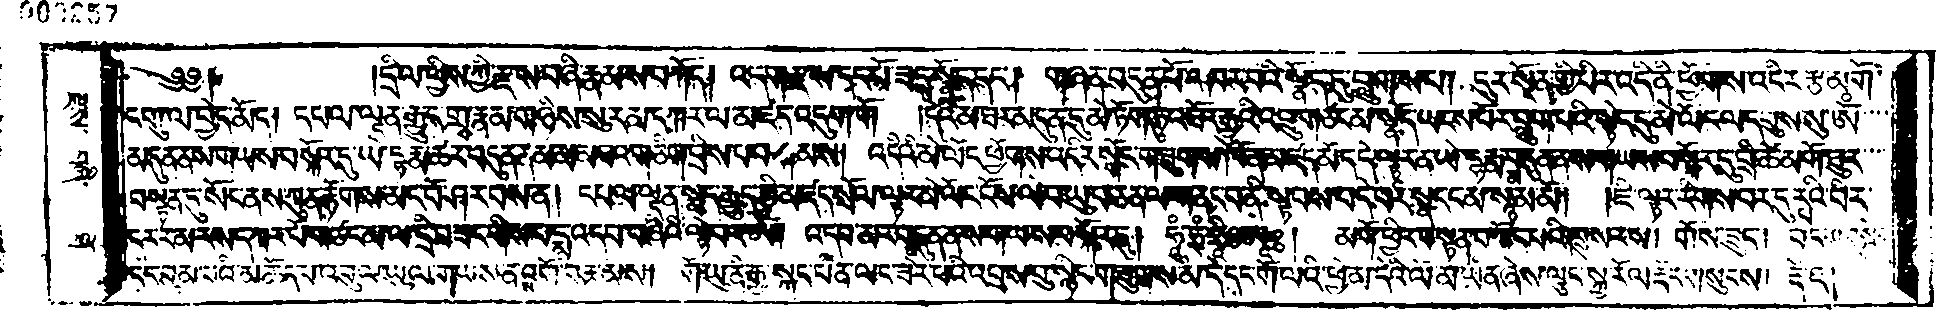༄༅། །དྲི་ལ་ཕྱིས་ཀྱི་རྫས་བཞི་རྣམས་བཀོད། འདག་རྫས་དང་པོ་ཟངས་སྣོད་དང་། གཞན་བདུན་པོ་འཁར་བའི་སྣོད་དུ་བླུགས་པ། དུར་སྔོན་གྱི་པིར་འདི་ནི་ཕྱོགས་འདིར་རྩ་མགོ་
དགུ་ལ་བྱེད་མོད། དཔལ་ལྡན་རྒྱུད་གྲྭ་རྣམ་གཉིས་སུ་རམ་དཀར་ལ་མཛད་འདུག་གོ །དེའི་མཐར་མདུན་དུ་མེ་ཏོག་ཏུ་འཐོར་རྒྱུའི་འབྲུ་གཙང་མ་སྣོད་ཡངས་པོར་བླུག་པའི་སྟེང་དུ་མེ་ལོང་ལ་དབུས་སུ་ཨོཾ་
མདུན་ནས་གཡས་བསྐོར་དུ་ཡེ་དྷརྨ་ཚར་བདུན་ནམ་མ་མཐའ་གཅིག་བྲིས་པ་བཤམས། འདིའི་མེ་ལོང་ཕྱོགས་འདིར་སྒོང་གཟུགས་ཁོ་ན་མཛད་མོད་དེ་ལྟར་ན་ཡེ་དྷརྨ་མ་བདུན་ནས་གཡས་བསྐོར་དུ་བྲི་ཚེ་མགོ་ཐུར་
བསྟན་དུ་སོང་ནས་ཀུན་རྟོགས་མང་པོ་ཤར་བས་ན། དཔལ་ལྡན་སྨད་རྒྱུད་ཀྱི་མཛད་སྲོལ་ལྟར་མེ་ལོང་ངོས་ལེབ་ཡུ་བ་ཅན་ལ་གནང་བ་ནི་སྟབས་བདེ་བར་སྣང་ང་མ་སྙམ་མོ། །ཇི་ལྟར་རིགས་བར་དུར་པའི་པིར་
དར་རམ་རས་དཀར་པོ་གཙང་མ་ལ་དྲི་བཟང་གིས་པདམ་འདབ་བཞིའི་ལྟེ་བར་ཨོཾ། འདབ་མར་མ་བདུན་ནས་གཡས་བསྐོར་དུ། ཧཱུཾ་ཏྲཾ་ཧྲཱིཿ ཨཱཿ། མགོ་ཕྱིར་བསྟན་བཀོད་པའི་ཁྲུས་རས། གོས་ཟུང་། བདག་བསྐྱེད་
དང་བུམ་པའི་མཆོད་པ་འབུལ་ཡུལ་གཡས་ནས་འགོ་བརྩམས། གོ་ཡུ་ནི་རྒྱ་སྐད་པིན་ལང་ཟེར་པའི་འབྲས་བུ་སྙིང་གཟུགས་མ་དེ་དང་གོ་ལའི་ཕྱེ་མ་དེའི་ལོ་མ་ཡིན་ཞེས་ལྕང་སྐྱ་རོལ་རྡོར་གསུངས། རྡོ་ཇ།